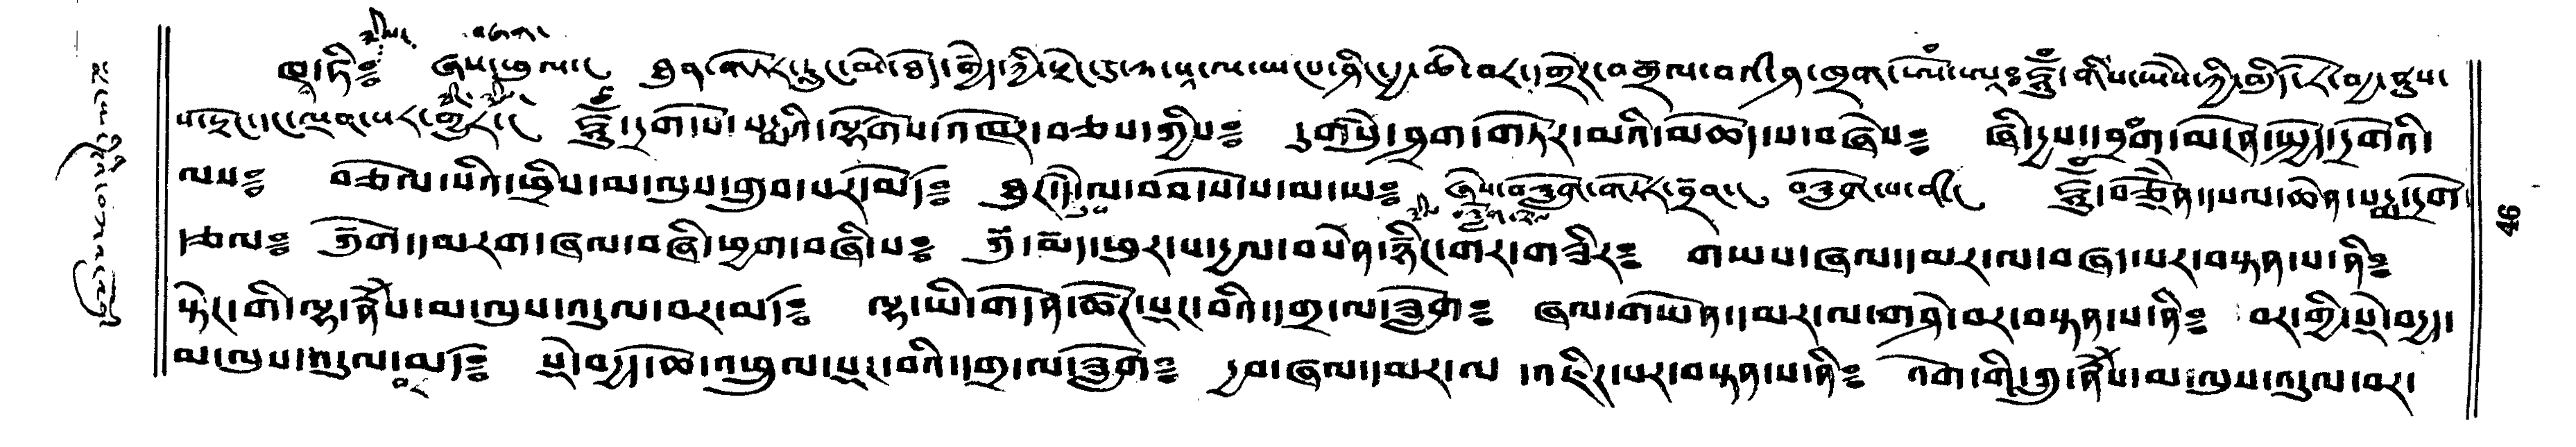ཁཱ་ཧི༔ ཞེས་ཕུལ། ཐུན་གཏོར་རླུང་མེ་ཐོད་སྒྱེད་ཀྱི་སྟེང་དུ་ཀ་པཱ་ལ་ཡངས་ཤིང་རྒྱ་ཆེ་བར་དགྲ་བགེགས་བསྒྲལ་བའི་ཤ་ཁྲག་ཨོཾ་ཨཱཿཧཱུྃ་གིས་ཡེ་ཤེས་ཀྱི་བདུད་རྩི་རོ་བརྒྱ་ནུས་
པ་སྟོང་དང་ལྡན་པར་གྱུར། ཧཱུྃ༔དྲག་པོ་པདྨའི་ལྷ་ཚོགས་འཁོར་བཅས་ཀྱིས༔ དུག་གསུམ་ཤ་ཁྲག་གཏོར་མའི་མཆོད་པ་བཞེས༔ ཞི་རྒྱས་དབང་དྲག་མངོན་སྤྱོད་དྲག་པོའི་
ལས༔ བཅོལ་པའི་ཕྲིན་ལས་མ་ལུས་འགྲུབ་པར་མཛོད༔ ཐུགས་དམ་དུས་ལ་བབ་པོ་ས་མ་ཡ༔ ཞེས་བཟློག་གཏོར་སྦྲན། ཟློག་པ་ནི།ཧཱུྃ༔བཅོམ་ལྡན་དཔལ་ཆེན་པདྨ་དྲག་པོ་
རྩལ༔ སྐུ་མདོག་དམར་ནག་ཞལ་བཞི་ཕྱག་བཞི་པ༔ སྐུ་སྨད་ཕུར་པ་རྒྱལ་བསེན་སྙིང་གར་གཟིར༔ གཡས་ཞལ་དམར་ལ་བཞད་པར་བསྟན་པ་ནི༔ 
སྟེང་གི་ལྷ་རྣམས་མ་ལུས་འདུལ་བར་མཛད༔ ལྷ་ཡི་གདོན་ཚོགས་སྡང་བའི་དགྲ་ལ་ཟློག༔ ཞལ་གཡོན་དམར་ལ་གཤེ་བར་བསྟན་པ་ནི༔ བར་གྱི་སྡེ་བརྒྱད་
མ་ལུས་འདུལ་བར་མཛད༔ སྡེ་བརྒྱད་ཆོ་འཕྲུལ་སྡང་བའི་དགྲ་ལ་ཟློག༔ རྒྱབ་ཞལ་དམར་ལ་འཇིགས་པར་བསྟན་པ་ནི༔ འོག་གི་ཀླུ་རྣམས་མ་ལུས་འདུལ་བར་